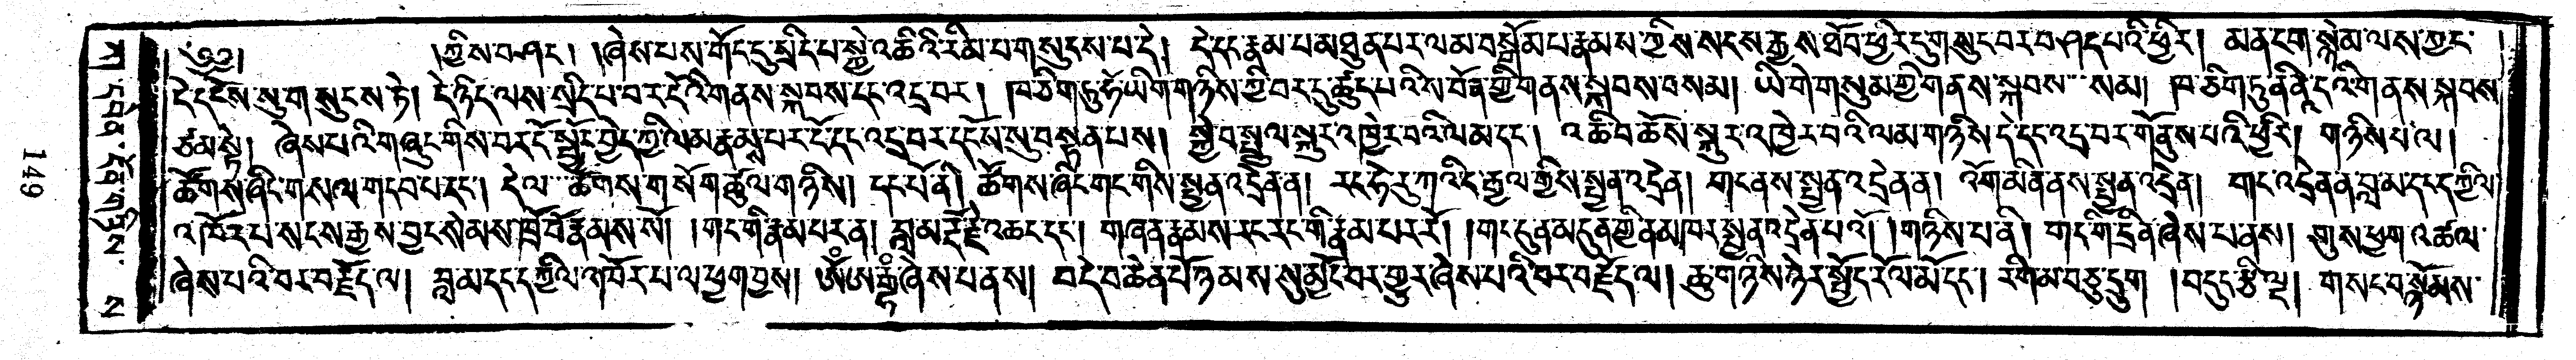༄༅། །ཀྱིས་བཤད། །ཞེས་པས་གོང་དུ་སྲིད་པ་སྐྱེ་འཆིའི་རིམ་པ་གསུངས་པ་དེ། དེ་དང་རྣམ་པ་མཐུན་པར་ལམ་བསྒོམ་པ་རྣམས་ཀྱིས་སངས་རྒྱས་ཐོབ་ཕྱིར་དུ་གསུང་བར་བཤད་པའི་ཕྱིར། མན་ངག་སྙེ་མ་ལས་ཀྱང་
དེ་དངོས་སུ་གསུངས་ཏེ། དེ་ཉིད་ལས་སྲིད་པ་བར་ངོའི་གནས་སྐབས་དང་འདྲ་བར། ཁ་ཅིག་ཏུ་ཧོ་ཡིག་གཉིས་ཀྱི་བར་དུ་ཚུད་པའི་ས་བོན་གྱི་གནས་སྐབས་བསམ། ཡི་གེ་གསུམ་གྱི་གནས་སྐབས་སམ། ཁ་ཅིག་ཏུ་ནི་ནཱ་དའི་གནས་སྐབས་
ཙམ་སྟེ། ཞེས་པའི་གཞུང་གིས་བར་ངོ་སྤྱོད་བྱེད་ཀྱི་ལམ་རྣམས་པར་ངོ་དང་འདྲ་བར་དངོས་སུ་བསྟན་པས། སྐྱེ་བ་སྤྲུལ་སྐུར་འཁྱེར་བའི་ལམ་དང་། འཆི་བ་ཆོས་སྐུར་འཁྱེར་བའི་ལམ་གཉིས་དེ་དང་འདྲ་བར་གོ་ནུས་པའི་ཕྱིར། གཉིས་པ་ལ།
ཚོགས་ཞིང་གསལ་གདབ་པ་དང་། དེ་ལ་ཚོགས་གསོག་ཚུལ་གཉིས། དང་པོ་ནི། ཚོགས་ཞིང་གང་གིས་སྤྱན་འདྲེན་ན། རང་ཧེ་རུ་ཀའི་ང་རྒྱལ་གྱིས་སྤྱན་འདྲེན། གང་ནས་སྤྱན་འདྲེན་ན། འོག་མིན་ནས་སྤྱན་འདྲེན། གང་འདྲེན་ན་བླ་མ་དང་དཀྱིལ་
འཁོར་པ་སངས་རྒྱས་བྱང་སེམས་ཁྲོ་བོ་རྣམས་སོ། །གང་གི་རྣམ་པར་ན། བླ་མ་རྡོ་རྗེ་འཆང་དང་། གཞན་རྣམས་རང་རང་གི་རྣམ་པར་རོ། །གང་དུ་ན་མདུན་གྱི་ན་མཁར་སྤྱན་འདྲེན་པའོ། །གཉིས་པ་ནི། གང་གི་དྲིན་ཞེས་པ་ནས། གུས་ཕྱག་འཚལ་
ཞེས་པའི་བར་བརྗོད་ལ། བླ་མ་དང་དཀྱིལ་འཁོར་པ་ལ་ཕྱག་བྱས། ཨོཾ་ཨ་རྒྷཾ་ཞེས་པ་ནས། བདེ་བ་ཆེན་པོ་ཉམས་སུ་མྱོང་བར་གྱུར་ཞེས་པའི་བར་བརྗོད་ལ། ཆུ་གཉིས་ཉེར་སྤྱོད་རོལ་མོ་དང་། རིག་མ་བཅུ་དྲུག །བདུད་རྩི་ལྔ། གསང་བ་སྙོམས་